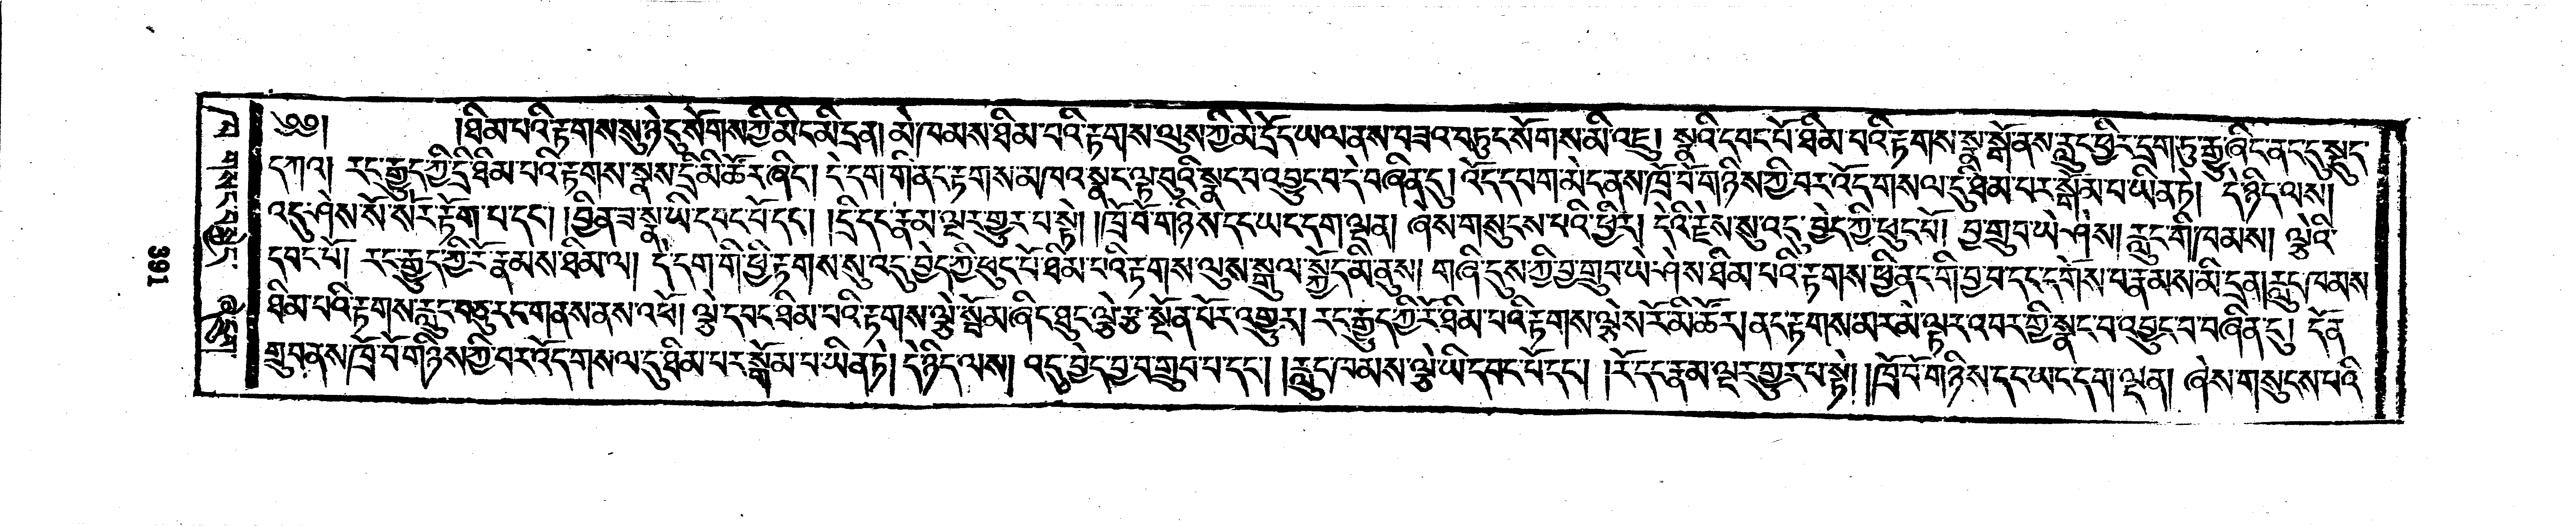༄༅། །ཐིམ་པའི་རྟགས་སུ་ཉེ་དུ་སོགས་ཀྱི་མིང་མི་དྲན། མེ་ཁམས་ཐིམ་པའི་རྟགས་ལུས་ཀྱི་མེ་དྲོད་ཡལ་ནས་བཟའ་བཏུང་སོགས་མི་འཇུ། སྣའི་དབང་པོ་ཐིམ་པའི་རྟགས་སྣ་སྒོ་ནས་རླུང་ཕྱིར་དྲག་ཏུ་རྒྱུ་ཞིང་ནང་དུ་སྡུད་
དཀའ། རང་རྒྱུད་ཀྱི་དྲི་ཐིམ་པའི་རྟགས་སྣས་དྲི་མི་ཚོར་ཞིང་། དེ་དག་གི་ནང་རྟགས་མཁའ་སྣང་ལྟ་བུའི་སྣང་བ་འབྱུང་བ་དེ་བཞིན་དུ། འོད་དཔག་མེད་ནས་ཁྲོ་བོ་གཉིས་ཀྱི་བར་འོད་གསལ་དུ་ཐིམ་པར་སྒོམ་པ་ཡིན་ཏེ། དེ་ཉིད་ལས།
འདུ་ཤེས་སོ་སོར་རྟོག་པ་དང་། །བྱིན་ཟ་སྣ་ཡི་དབང་པོ་དང་། །དྲི་དང་རྣམ་ལྔར་གྱུར་བ་སྟེ། །ཁྲོ་བོ་གཉིས་དང་ཡང་དག་ལྡན། ཞེས་གསུངས་པའི་ཕྱིར། དེའི་རྗེས་སུ་འདུ་བྱེད་ཀྱི་ཕུང་པོ། བྱ་གྲུབ་ཡེ་ཤེས། རླུང་གི་ཁམས། ལྕེའི་
དབང་པོ། རང་རྒྱུད་ཀྱི་རོ་རྣམས་ཐིམ་ལ། དེ་དག་གི་ཕྱི་རྟགས་སུ་འདུ་བྱེད་ཀྱི་ཕུང་པོ་ཐིམ་པའི་རྟགས་ལུས་སྒུལ་སྐྱོད་མི་ནུས། གཞི་དུས་ཀྱི་བྱ་གྲུབ་ཡེ་ཤེས་ཐིམ་པའི་རྟགས་ཕྱི་ནང་གི་བྱ་བ་དང་དགོས་པ་རྣམས་མི་དྲན། རླུང་ཁམས་
ཐིམ་པའི་རྟགས་རླུང་བཅུ་རང་གནས་ནས་འཕོ། ལྕེ་དབང་ཐིམ་པའི་རྟགས་ལྕེ་སྦོམ་ཞིང་ཐུང་ལྕེ་རྩ་སྔོན་པོར་འགྱུར། རང་རྒྱུད་ཀྱི་རོ་ཐིམ་པའི་རྟགས་ལྕེས་རོ་མི་ཚོར། ནང་རྟགས་མར་མེ་ལྟར་འབར་གྱི་སྣང་བ་འབྱུང་བ་བཞིན་དུ། དོན་
གྲུབ་ནས་ཁྲོ་བོ་གཉིས་ཀྱི་བར་འོད་གསལ་དུ་ཐིམ་པར་སྒོམ་པ་ཡིན་ཏེ། དེ་ཉིད་ལས། འདུ་བྱེད་བྱ་བ་གྲུབ་པ་དང་། །རླུང་ཁམས་ལྕེ་ཡི་དབང་པོ་དང་། །རོ་དང་རྣམ་ལྔར་གྲུབ་བ་སྟེ། །ཁྲོ་བོ་གཉིས་དང་ཡང་དག་ལྡན། ཞེས་གསུངས་པའི་